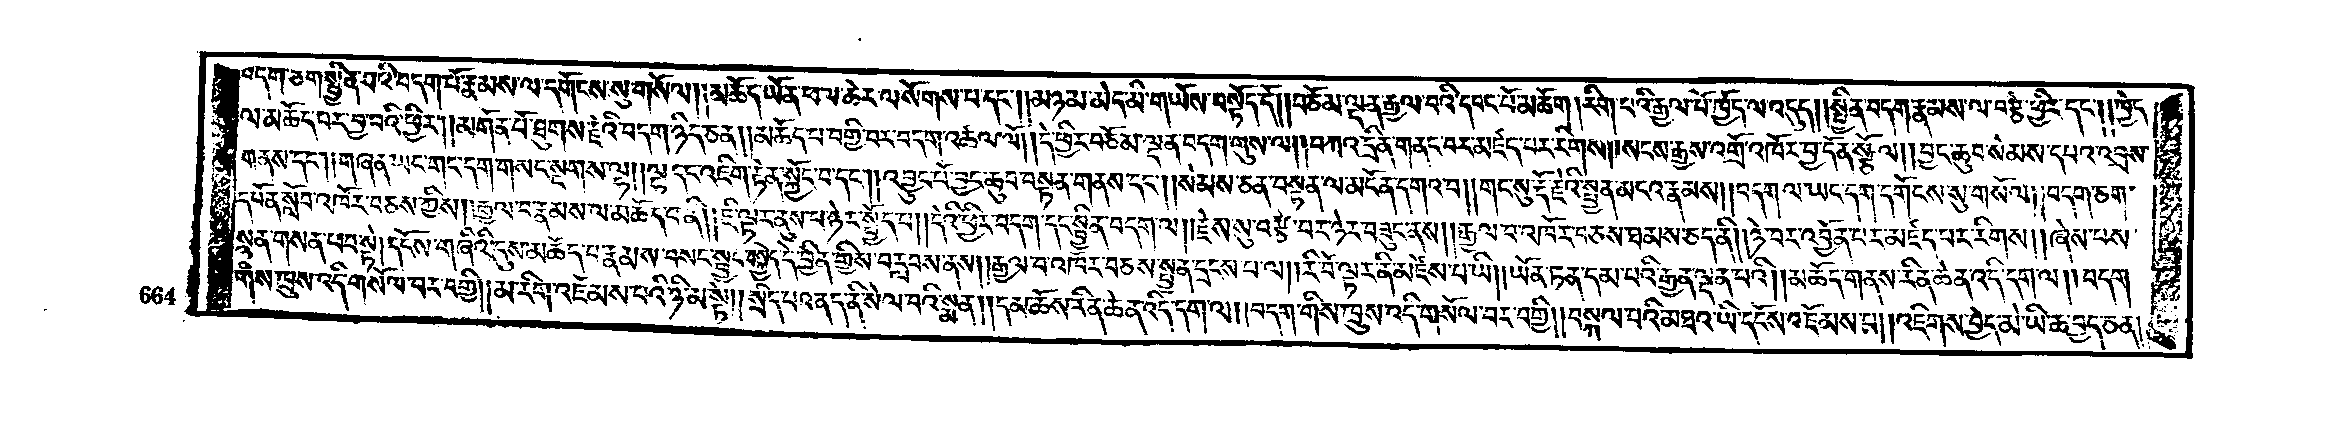བདག་ཅག་སྦྱིན་པའི་བདག་པོ་རྣམས་ལ་དགོངས་སུ་གསོལ། །མཆོད་ཡོན་ཕལ་ཆེར་ལ་སོགས་པ་དང་། །ཉམ་མེད་མི་གཡོས་བསྟོད་དོ། །བཅོམ་ལྡན་རྒྱལ་བའི་དབང་པོ་མཆོག །རིག་པའི་རྒྱལ་པོ་ཁྱོད་ལ་འདུད། །སྦྱིན་བདག་རྣམས་ལ་བརྩེ་ཕྱིར་དང་། །ཁྱེད་
ལ་མཆོད་པར་བྱ་བའི་ཕྱིར། །མགོན་པོ་ཐུགས་རྗེའི་བདག་ཉིད་ཅན། །མཆོད་པ་བགྱིས་པར་བདག་འཚལ་ལོ། །དེ་ཕྱིར་བཅོམ་ལྡན་འདག་གུས་ལ། །བཀའ་དྲིན་གནང་བར་མཛད་པར་རིགས། །སངས་རྒྱས་འགྲོ་འཁོར་བྱ་དོན་སྩོལ། །བྱང་ཆུབ་སེམས་དཔའ་འབྲས་
གནས་དང་། །གཞན་ཡང་གང་དག་གསང་སྔགས་ལྷ། །ལྷ་དང་འཇིག་རྟེན་སྐྱོང་བ་དང་། །འབྱུང་པོ་བྱང་ཆུབ་བསྟན་གནས་དང་། །སེམས་ཅན་བསྟན་ལ་མངོན་དགའ་བ། །གང་སུ་རྡོ་རྗེའི་སྤྱན་མངའ་རྣམས། །བདག་ལ་ཡང་དག་དགོངས་སུ་གསོལ། །བདག་ཅག་
དཔོན་སློབ་འཁོར་བཅས་ཀྱིས། །རྒྱལ་བ་རྣམས་ལ་མཆོད་པ་ནི། །ཇི་ལྟར་ནུས་པ་ཉེར་སྤྱོད་པ། །དེའི་ཕྱིར་བདག་དང་སྦྱིན་བདག་ལ། །རྗེས་སུ་བརྩེ་བར་ཉེར་བཟུང་ནས། །རྒྱལ་བ་འཁོར་བཅས་ཐམས་ཅད་ནི། །ཉེ་བར་འབྱོན་པར་མཛད་པར་རིགས། །ཞེས་པས་
སྙན་གསན་ཕབ་སྟེ། དངོས་གཞིའི་དུས་མཆོད་པ་རྣམས་བསང་སྦྱང་བསྐྱད་དོ་བྱིན་གྱིས་བརླབས་ནས། །རྒྱལ་བ་འཁོར་བཅས་སྤྱན་དྲངས་པ་ལ། །རི་བོ་ལྟར་ནི་མཛེས་པ་ཡི། །ཡོན་ཏན་དམ་པའི་རྒྱན་ལྡན་པའི། །མཆོད་གནས་རིན་ཆེན་འདི་དག་ལ། །བདག་
གིས་ཁྲུས་འདི་གསོལ་བར་བགྱི། །མ་རིག་འཇོམས་པའི་ཉི་མ་སྟེ། །སྲིད་པའི་ནད་ནི་སེལ་བའི་སྨན། །དམ་ཆོས་རིན་ཆེན་འདི་དག་ལ། །བདག་གིས་ཁྲུས་འདི་གསོལ་བར་བགྱི། །བསྐལ་པའི་མཐའ་ཡི་དངོས་འཇོམས་པ། །འཇིགས་བྱེད་མེ་ཡི་ཆ་བྱད་ཅན།